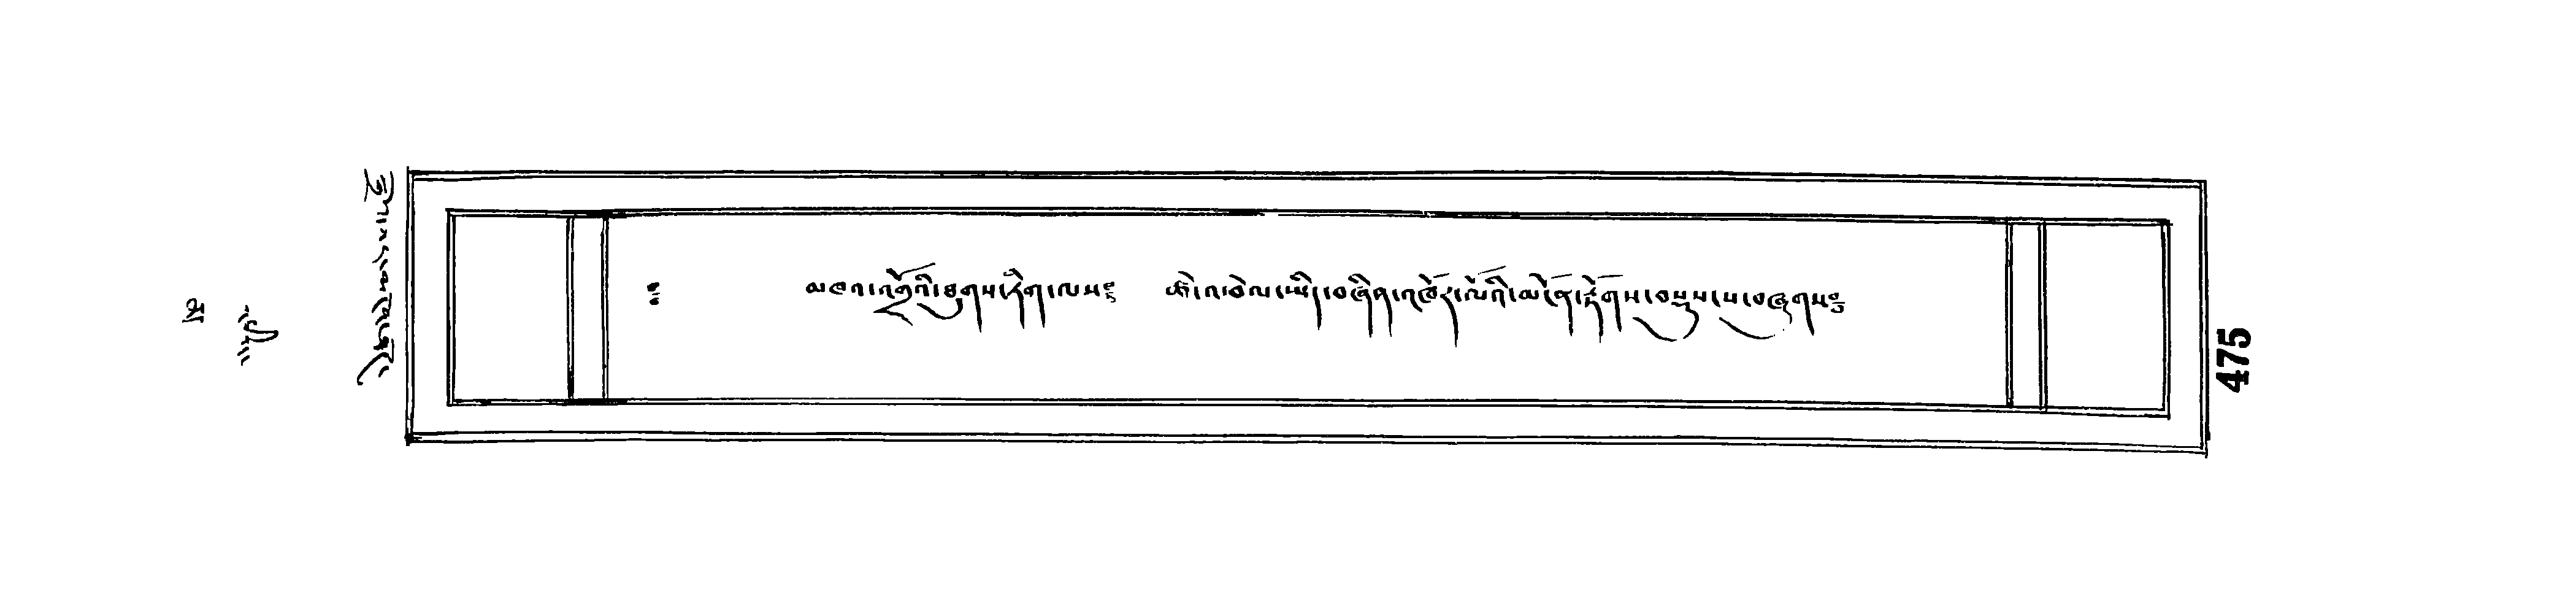མཁའ་འགྲོའི་ཐུགས་ཏིག་ལས༔ ཚེ་འཕེལ་ཡིད་བཞིན་འཁོར་ལོའི་མངོན་རྟོགས་བསྡུས་པ་བཞུགས༔